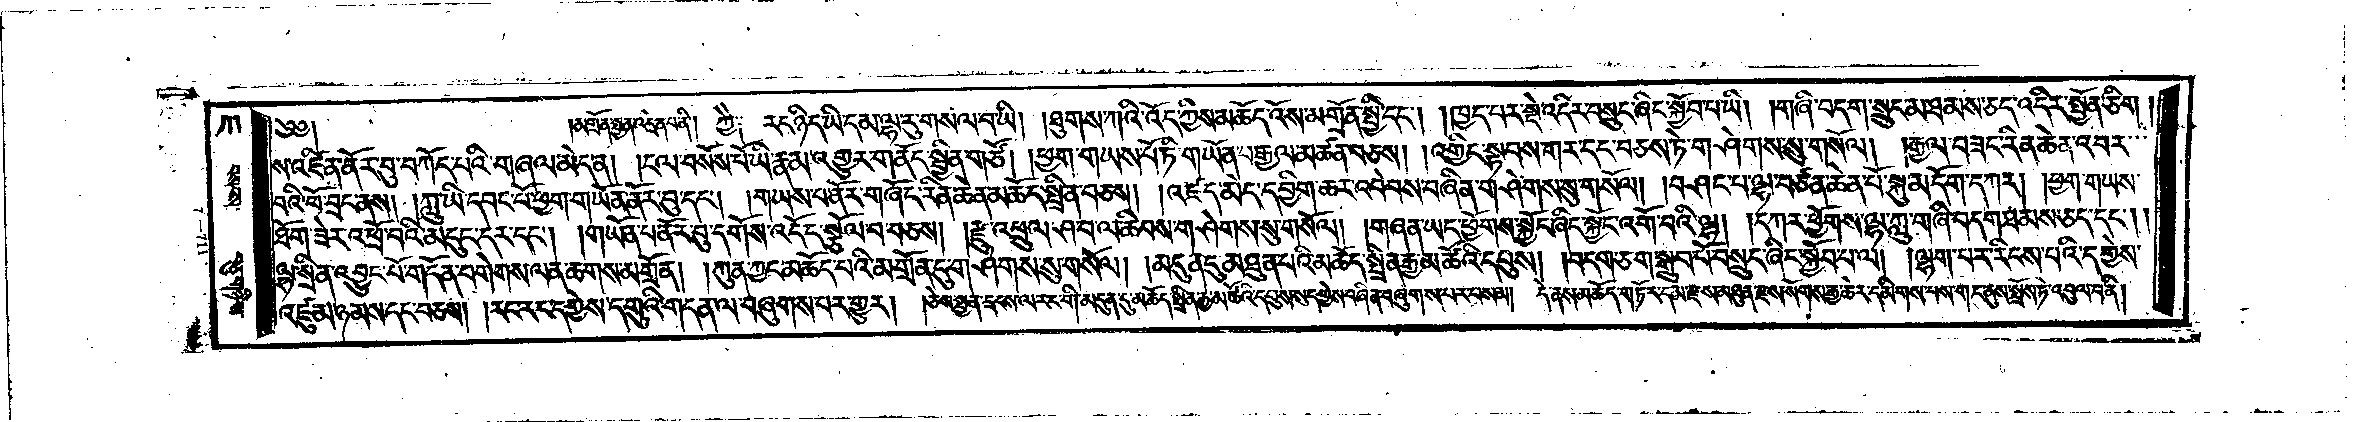༄༅། །མགྲོན་སྤྱན་འདྲེན་པ་ནི།  ཀྱཻ༑ རང་ཉིད་ཡི་དམ་ལྷ་རུ་གསལ་བ་ཡི། །ཐུགས་ཀའི་འོད་ཀྱིས་མཆོད་འོས་མགྲོན་སྤྱི་དང་། །ཁྱད་པར་སྡེ་འདིར་བསྲུང་ཞིང་སྐྱོབ་པ་ཡི། །གཞི་བདག་སྲུང་མ་ཐམས་ཅད་འདིར་སྤྱོན་ཅིག །
ས་འཛིན་ནོར་བུ་བཀོད་པའི་གཞལ་མེད་ན། །ངལ་བསོས་པོ་ཡི་རྣམ་འགྱུར་གནོད་སྦྱིན་གཙོ། །ཕྱག་གཡས་པོ་ཏི་གཡོན་པ་རྒྱལ་མཚན་བཅས། །འགྱིང་སྟབས་གར་དང་བཅས་ཏེ་གཤེགས་སུ་གསོལ། །རྒྱལ་བཟང་རིན་ཆེ་འབར་
བའི་ཕོ་བྲང་ནས། །ཀླུ་ཡི་དབང་པོ་ཕྱག་གཡོན་ནོར་བུ་དང་། །གཡས་བ་ནོར་གཞོང་རིན་ཆེན་མཆོད་སྤྲིན་བཅས། །འཛད་མེད་དབྱིག་ཆར་འབེབས་བཞིན་གཤེགས་སུ་གསོལ། །བཤད་པ་ལྷ་བཙན་ཆེན་པོ་སྐུ་མདོག་དཀར། །ཕྱག་གཡས་
ཐོག་ཟེར་འཕྲོ་བའི་མདུང་དར་དང་། །གཡོན་པ་ནོར་བུ་དགོས་འདོད་སྩོལ་བ་བཅས། །རྫུ་འཕྲུལ་ཤབ་ལ་ཆིབས་གཤེགས་སུ་གསོལ། །གཞན་ཡང་ཕྱོགས་སྐྱོང་ཞིང་སྐྱོང་འགོ་བའི་ལྷ། །དཀར་ཕྱོགས་ལྷ་ཀླུ་གཞི་བདག་ཐམས་ཅད་དང།།
ལྷ་སྲིན་འབྱུང་པོ་གདོན་བགེགས་ལན་ཆགས་མགྲོན། །ཀུན་ཀྱང་མཆོད་པའི་མགྲོན་དུ་གཤེགས་སུ་གསོལ། །མདུན་དུ་མཐུན་པའི་མཆོད་སྤྲིན་རྒྱ་མཚོའི་དབུས། །བདག་ཅག་སྒྲུབ་པོ་བསྲུང་ཞིང་སྐྱོབ་པ་ལ། །ལྷག་པར་རིངས་པའི་དགྱེས་
འཛུམ་ཉམས་དང་བཅས། །རང་རང་དགྱེས་དགུའི་གདན་ལ་བཞུགས་པར་གྱུར། །ཅེས་སྤྱན་དྲངས་ལ་རང་གི་མདུན་དུ་མཆོད་སྤྲིན་རྒྱ་མཚོའི་དབུས་སུ་དགྱེས་བཞིན་བཞུགས་པར་བསམ། དེ་ནས་མཆོད་གཏོར་དམ་རྫས་མཐུན་རྫས་སོགས་རྒྱ་ཆེར་དམིགས་པས་གང་ནུས་སྤྲོས་ཏེ་འབུལ་བ་ནི།